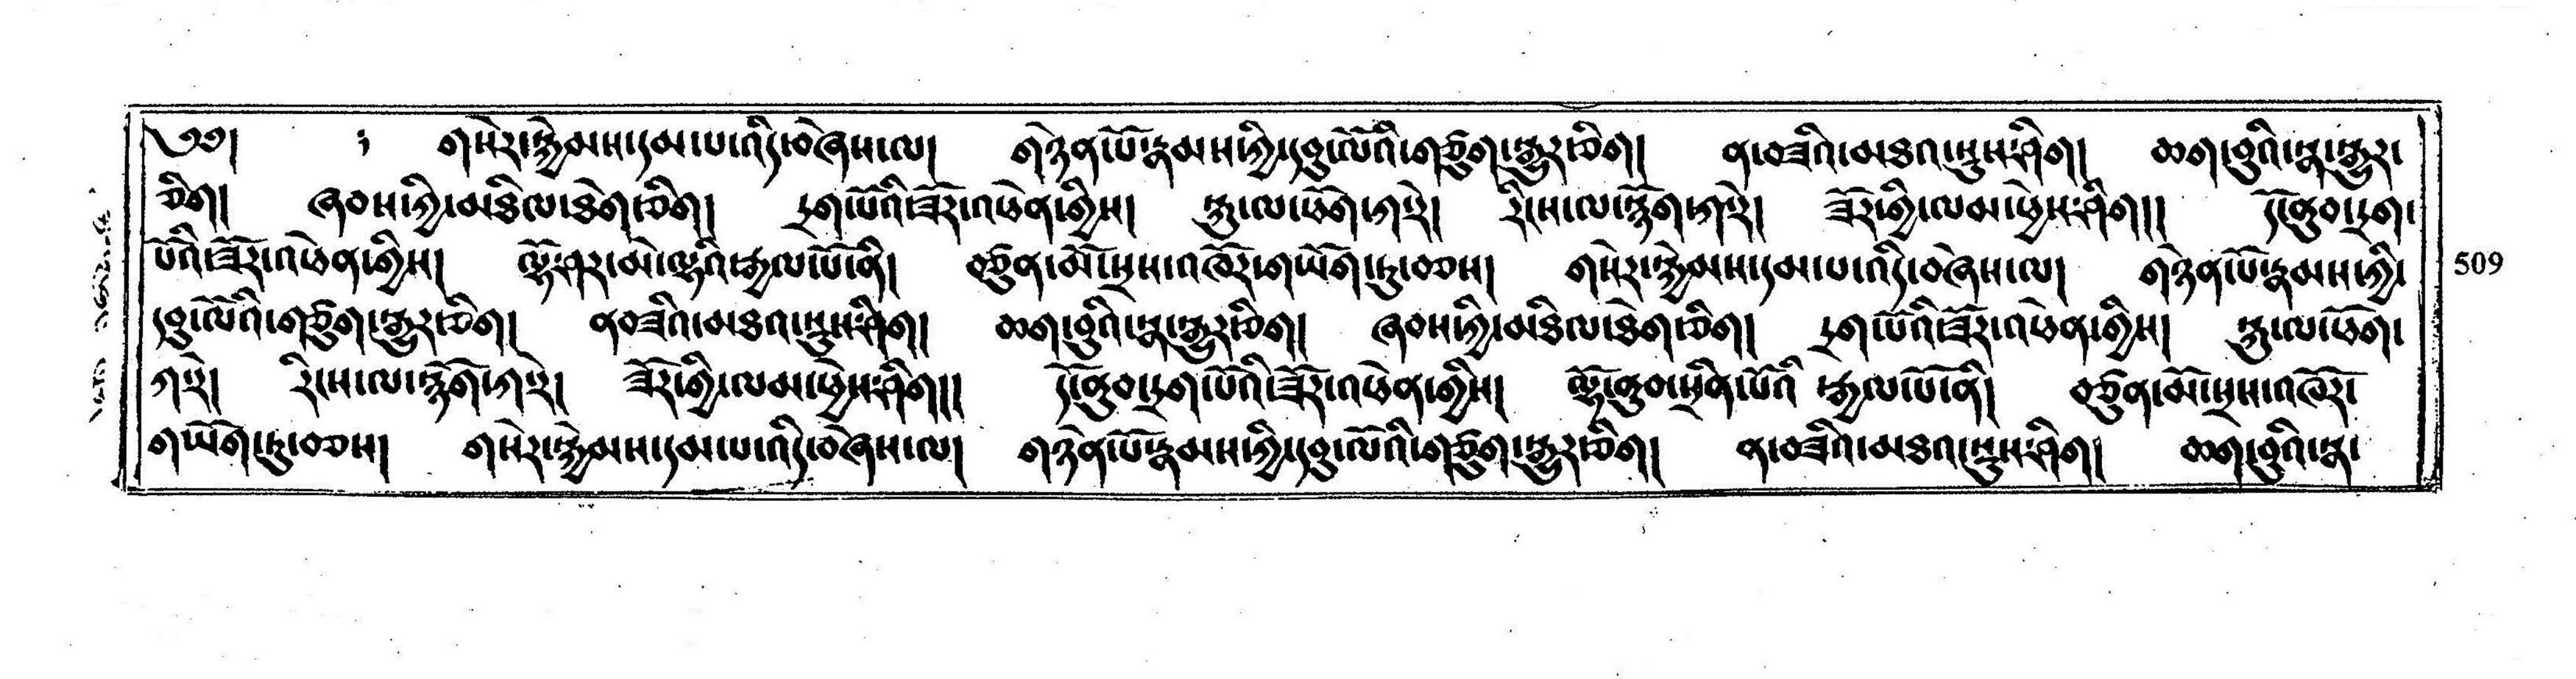གསེར་སྐྱེམས་དམ་པ་འདི་བཞེས་ལ། གཉེན་པོ་རྣམས་ཀྱི་དབུ་ལོའི་གཙུག་སྒྱུར་ཅིག ན་བཟའི་མཐའ་སྡུས་ཤིག ཆག་བུའི་སྣ་སྒྱུར་
ཅིག ཞབས་ཀྱི་མཐིལ་ཐེག་ཅིག དྲག་པོའི་ཟོར་འཕེན་གྱིས། སྐུ་ལ་ཕོག་ཀ་རེ། རིངས་ལ་སྙོག་ཀ་རེ། ཟོར་གྱི་ལམ་ཕྱེས་ཤིག །།དོ་ནུབ་དྲག་
པོའི་ཟོར་འཕེན་གྱིས། ལྷོ་ཤར་མེ་ལྷའི་རྒྱལ་པོ་ནི། བཙུན་མོ་སྲས་འཁོར་གཡོག་ཏུ་བཅས། གསེར་སྐྱེམས་དམ་པ་འདི་བཞེས་ལ། གཉེན་པོ་རྣམས་ཀྱི་
དབུ་ལོའི་གཙུག་སྒྱུར་ཅིག ན་བཟའི་མཐའ་སྡུས་ཤིག ཆག་བུའི་སྣ་སྒྱུར་ཅིག ཞབས་ཀྱི་མཐིལ་ཐེག་ཅིག དྲག་པོའི་ཟོར་འཕེན་གྱིས། སྐུ་ལ་ཕོག་
ཀ་རེ། རིངས་ལ་སྙོག་ཀ་རེ། ཟོར་གྱི་ལམ་ཕྱེས་ཤིག །།དོ་ནུབ་{524}དྲག་པོའི་ཟོར་འཕེན་གྱིས། ལྷོ་ནུབ་སྲིན་པོའི་རྒྱལ་པོ་ནི། བཙུན་མོ་སྲས་འཁོར་
གཡོག་ཏུ་བཅས། གསེར་སྐྱེམས་དམ་པ་འདི་བཞེས་ལ། གཉེན་པོ་རྣམས་ནི་དབུ་ལོའི་གཙུག་སྒྱུར་ཅིག ན་བཟའི་མཐའ་སྡུས་ཤིག ཆག་བུའི་སྣ་